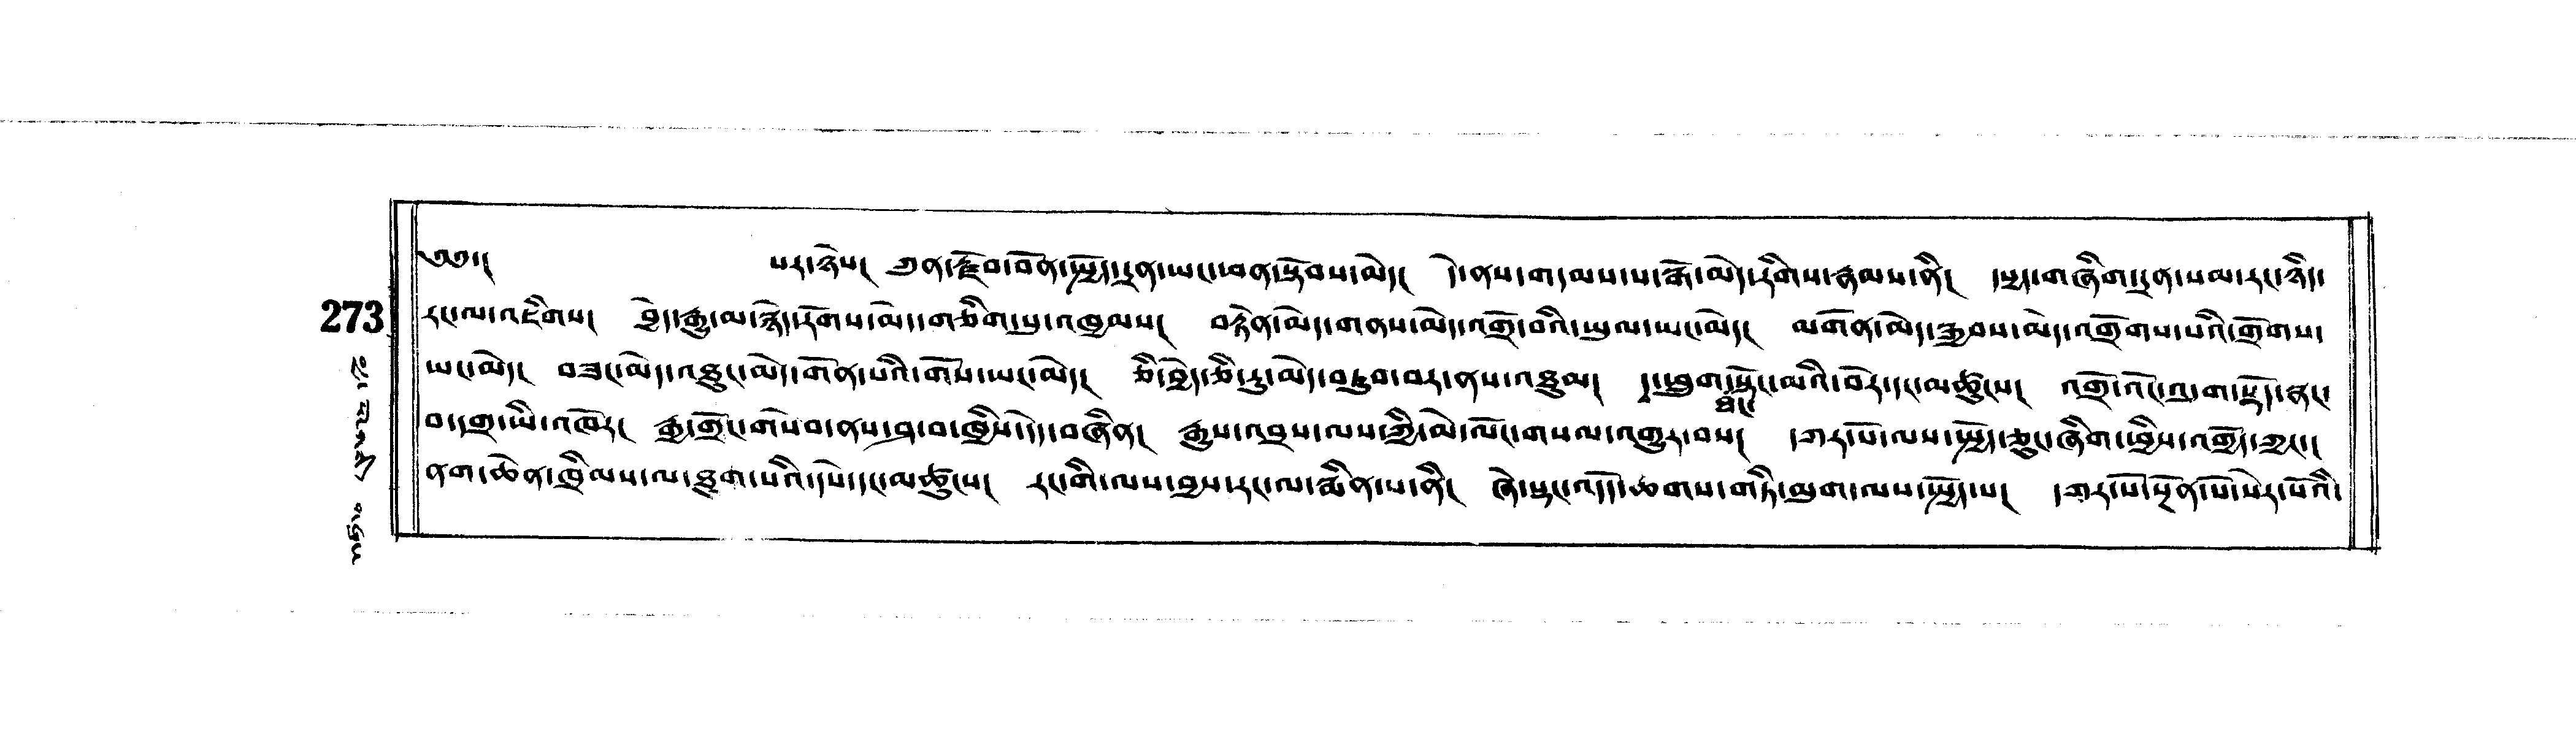པར་ཉེས། ཀུན་རྫོབ་བོན་སྤྱོད་དྲན་ཡང་ཕན་སྟོབས་མེད། དེ་ནས་གདམས་པ་སྒོ་མེད་རིགས་རྣམས་ནི། དཔྱད་གཞིགས་དྲན་སམ་རང་ཉིད་
རང་ལ་འཇིགས། བྱེད་རྒྱུ་མ་རྙེད་རོགས་མེད་གཅིག་པུ་འཁྱམས། བརྟེན་མེད་གནས་མེད་འགྲོ་བའི་ཡུལ་ཡང་མེད། མགོན་མེད་སྐྱབས་མེད་འགྲོགས་པའི་གྲོགས་
ཡང་མེད། བཟང་མེད་འཐུང་མེད་གོན་པའི་གོས་ཀྱང་མེད། ཅི་བྱེད་ཅི་རུ་མི་བཏུབ་བར་ནས་འཐུམས། དྭ་ཕྲུག་ཐང་སྟོང་མ་ཡིས་བོར་དང་མཚུངས། འགྲོ་འོང་འདུག་སྡོད་སྣང་
བ་དགྲ་ཡིས་འཁོར། རྒྱ་གྲོང་གསེབ་ནས་ཤ་བ་ཁྱིས་དེད་བཞིན། རྒྱུ་འབྲས་ལས་ཀྱི་མེ་ལོང་གསལ་འགྱུར་བས། དཀར་པོ་ལས་སྤྱོད་ཅུང་ཞིག་ཕྱིས་འགྱོད་ཀྱང་། 
ནག་ཆེན་ཁྲིམས་ལ་ཐུག་པའི་དཔེ་དང་མཚུངས། རང་གི་ལས་བྱས་རང་ལ་སྨིན་པ་ནི། ཞེ་སྡང་འདོད་ཆགས་གཏི་མུག་ལས་སྤྱོད་པ། དཀར་པོ་སྔོན་པོ་སེར་པོའི་